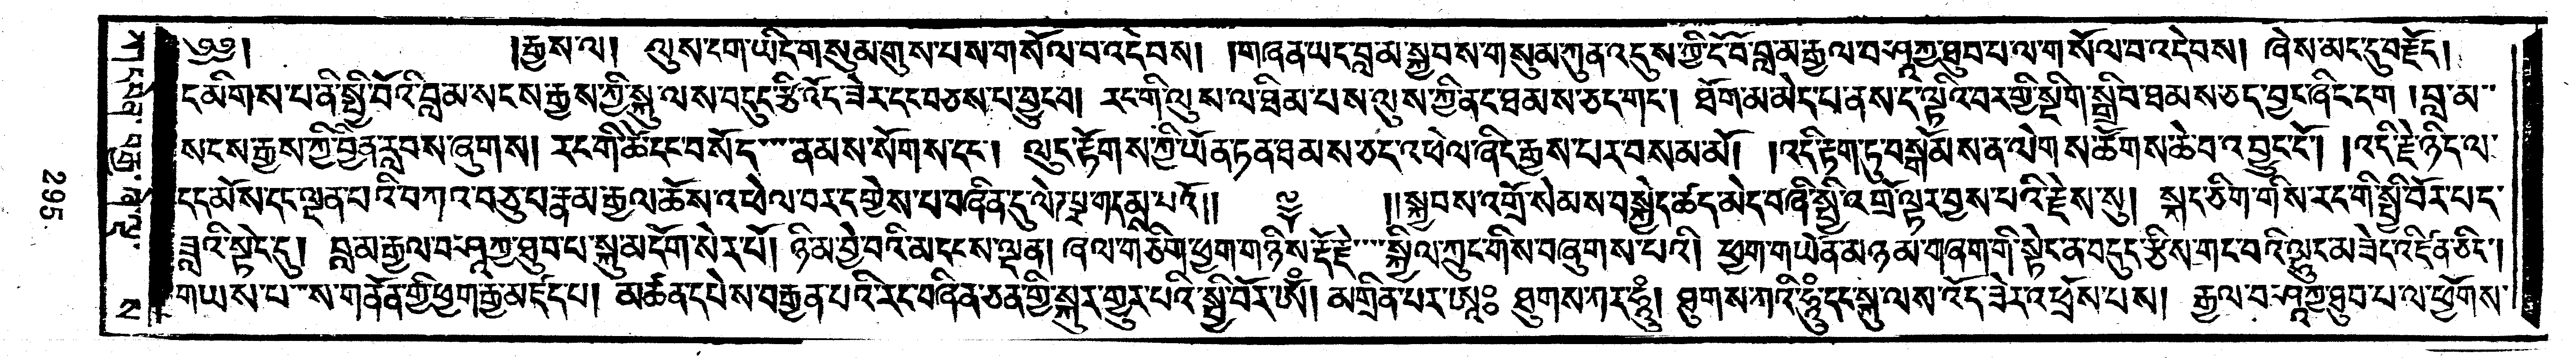༄༅། །རྒྱས་ལ། ལུས་ངག་ཡིད་གསུམ་གུས་པས་གསོལ་བ་འདེབས། །གཞན་ཡང་བླ་མ་སྐྱབས་གསུམ་ཀུན་འདུས་ཀྱི་ངོ་བོ་བླ་མ་རྒྱལ་བ་ཤཱཀྱ་ཐུབ་པ་ལ་གསོལ་བ་འདེབས། ཞེས་མང་དུ་བརྗོད།
དམིགས་པ་ནི་སྤྱི་བོའི་བླ་མ་སངས་རྒྱས་ཀྱི་སྐུ་ལས་བདུད་རྩི་འོད་ཟེར་དང་བཅས་པ་བྱུང་བ། རང་གི་ལུས་ལ་ཐིམ་པས་ལུས་ཀྱི་ནང་ཐམས་ཅད་གང་། ཐོག་མ་མེད་པ་ནས་ད་ལྟའི་བར་གྱི་སྡིག་སྒྲིབ་ཐམས་ཅད་བྱང་ཞིང་དག །བླ་མ་
སངས་རྒྱས་ཀྱི་བྱིན་རླབས་ཞུགས། རང་གི་ཚེ་དང་བསོད་ནམས་སོགས་དང་། ལུང་རྟོགས་ཀྱི་ཡོན་ཏན་ཐམས་ཅད་འཕེལ་ཞིང་རྒྱས་པར་བསམ་མོ། །འདི་རྟག་ཏུ་བསྒོམས་ན་ལེགས་ཚོགས་ཆེ་བ་འབྱུང་ངོ། །འདི་རྗེ་ཉིད་ལ་
དད་མོས་དང་ལྡན་པའི་བཀའ་བཅུ་པ་རྣམ་རྒྱལ་ཆོས་འཕེལ་བར་དགྱེས་པ་བཞིན་དུ་ལེགས་པར་གདམས་པའོ།། ༈ །།སྐྱབས་འགྲོ་སེམས་བསྐྱེད་ཚད་མེད་བཞི་སྤྱི་འགྲོ་ལྟར་བྱས་པའི་རྗེས་སུ། སྐད་ཅིག་གིས་རང་གི་སྤྱི་བོར་པད་
ཟླའི་སྟེང་དུ། བླ་མ་རྒྱལ་བ་ཤཱཀྱ་ཐུབ་པ་སྐུ་མདོག་སེར་པོ། ཉི་མ་བྱེ་བའི་མདངས་ལྡན། ཞལ་གཅིག་ཕྱག་གཉིས་རྡོ་རྗེ་སྐྱིལ་ཀྲུང་གིས་བཞུགས་པའི། ཕྱག་གཡོན་མཉམ་གཞག་གི་སྟེང་ན་བདུད་རྩིས་གང་བའི་ལྷུང་མ་ཟེད་འཛིན་ཅིང་།
གཡས་པས་གནོན་གྱི་ཕྱག་རྒྱ་མཛད་པ། མཚན་དཔེས་བརྒྱན་པའི་རང་བཞིན་ཅན་གྱི་སྐུར་གྱུར་པའི་སྤྱི་བོར་ཨོཾ། མགྲིན་པར་ཨཱཿ ཐུགས་ཀར་ཧཱུཾ། ཐུགས་ཀའི་ཧཱུཾ་དང་སྐུ་ལས་འོད་ཟེར་འཕྲོས་པས། རྒྱལ་བ་ཤཱཀྱ་ཐུབ་པ་ལ་ཕྱོགས་